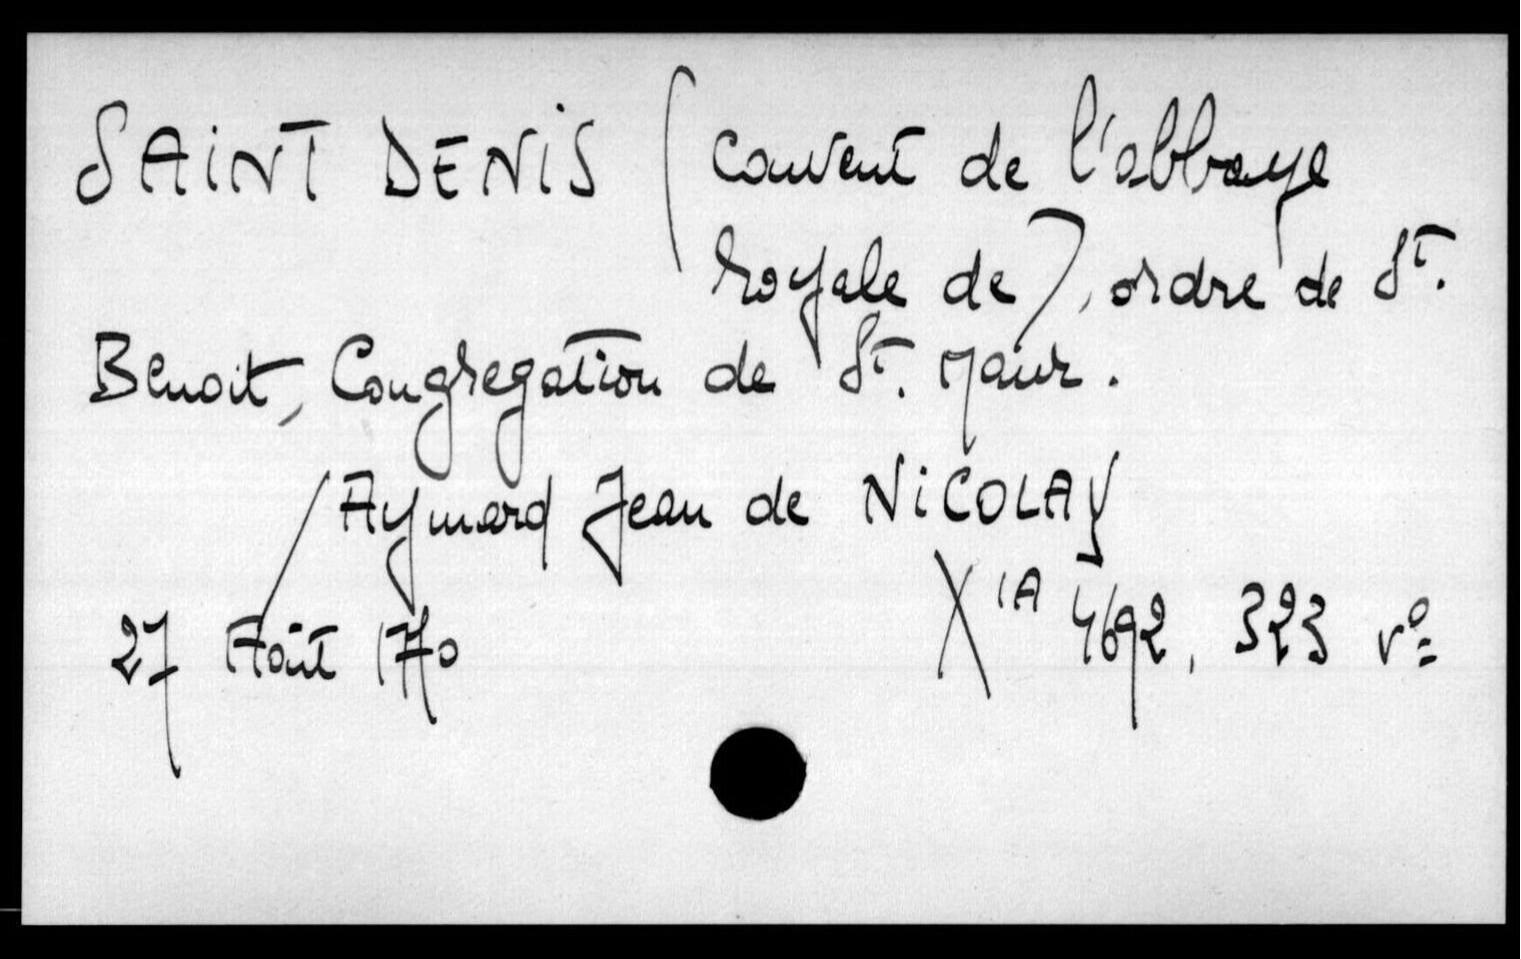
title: SAINT DENIS (Couvent de l'abbaye royale de), ordre de Saint-Benoît, congrégation de Saint-Maur
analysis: Contre Aymard Jean de NICOLAY
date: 27 août 1770
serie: X1A
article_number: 4692
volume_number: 323v
